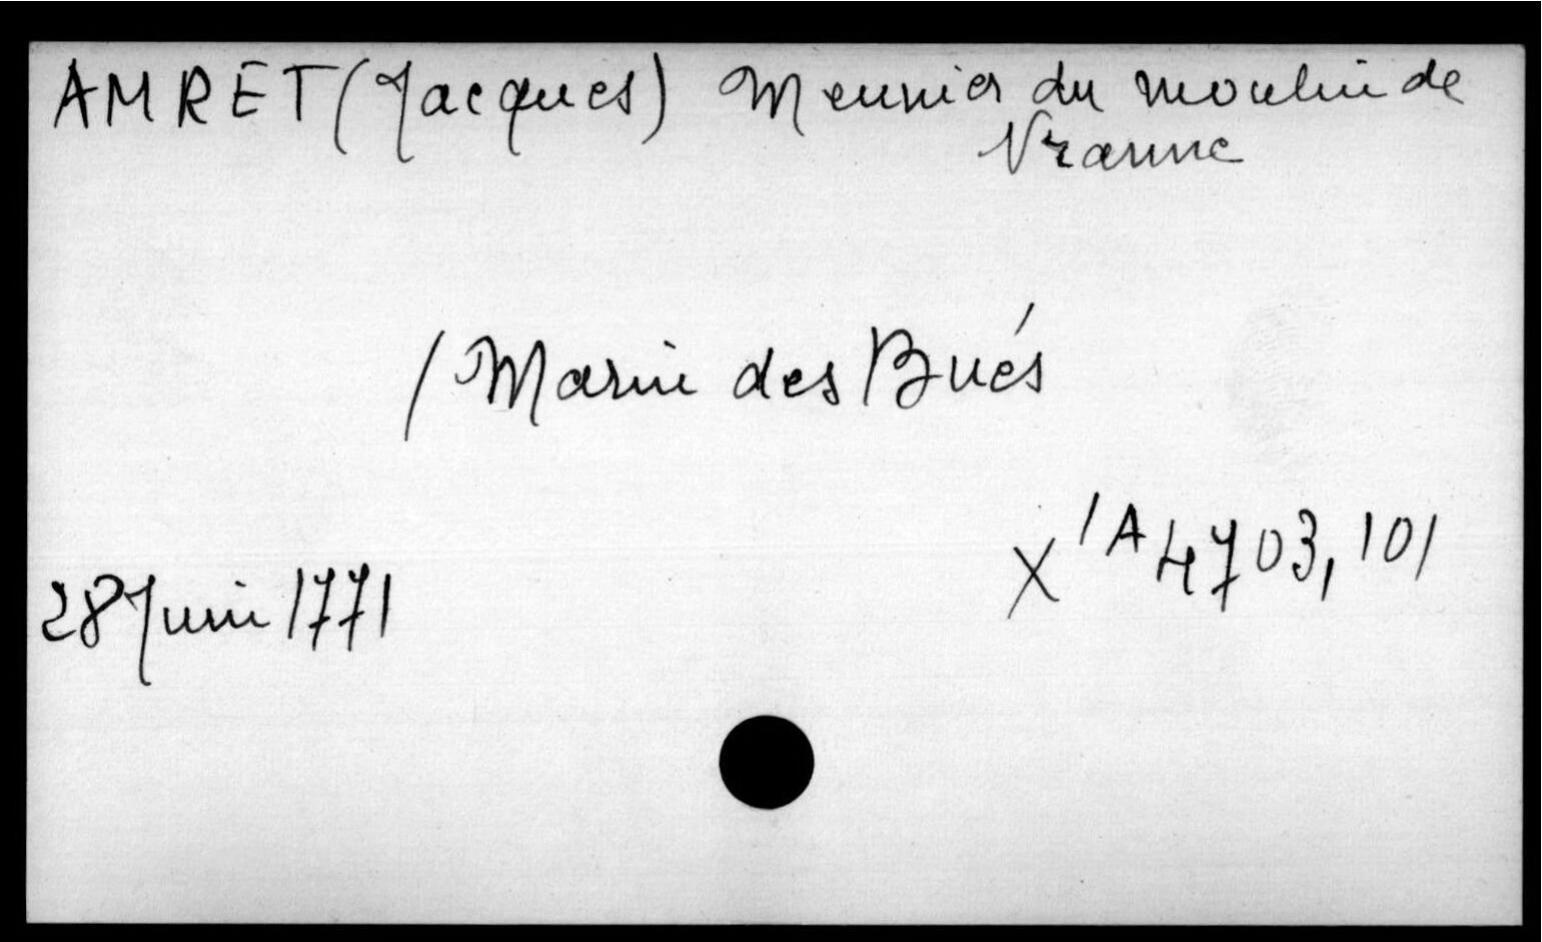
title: AMRET (Jacques) Meunier du moulin de Vranne
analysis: Contre Marin des Bués
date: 28 juin 1771
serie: X1A
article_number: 4703
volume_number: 101
